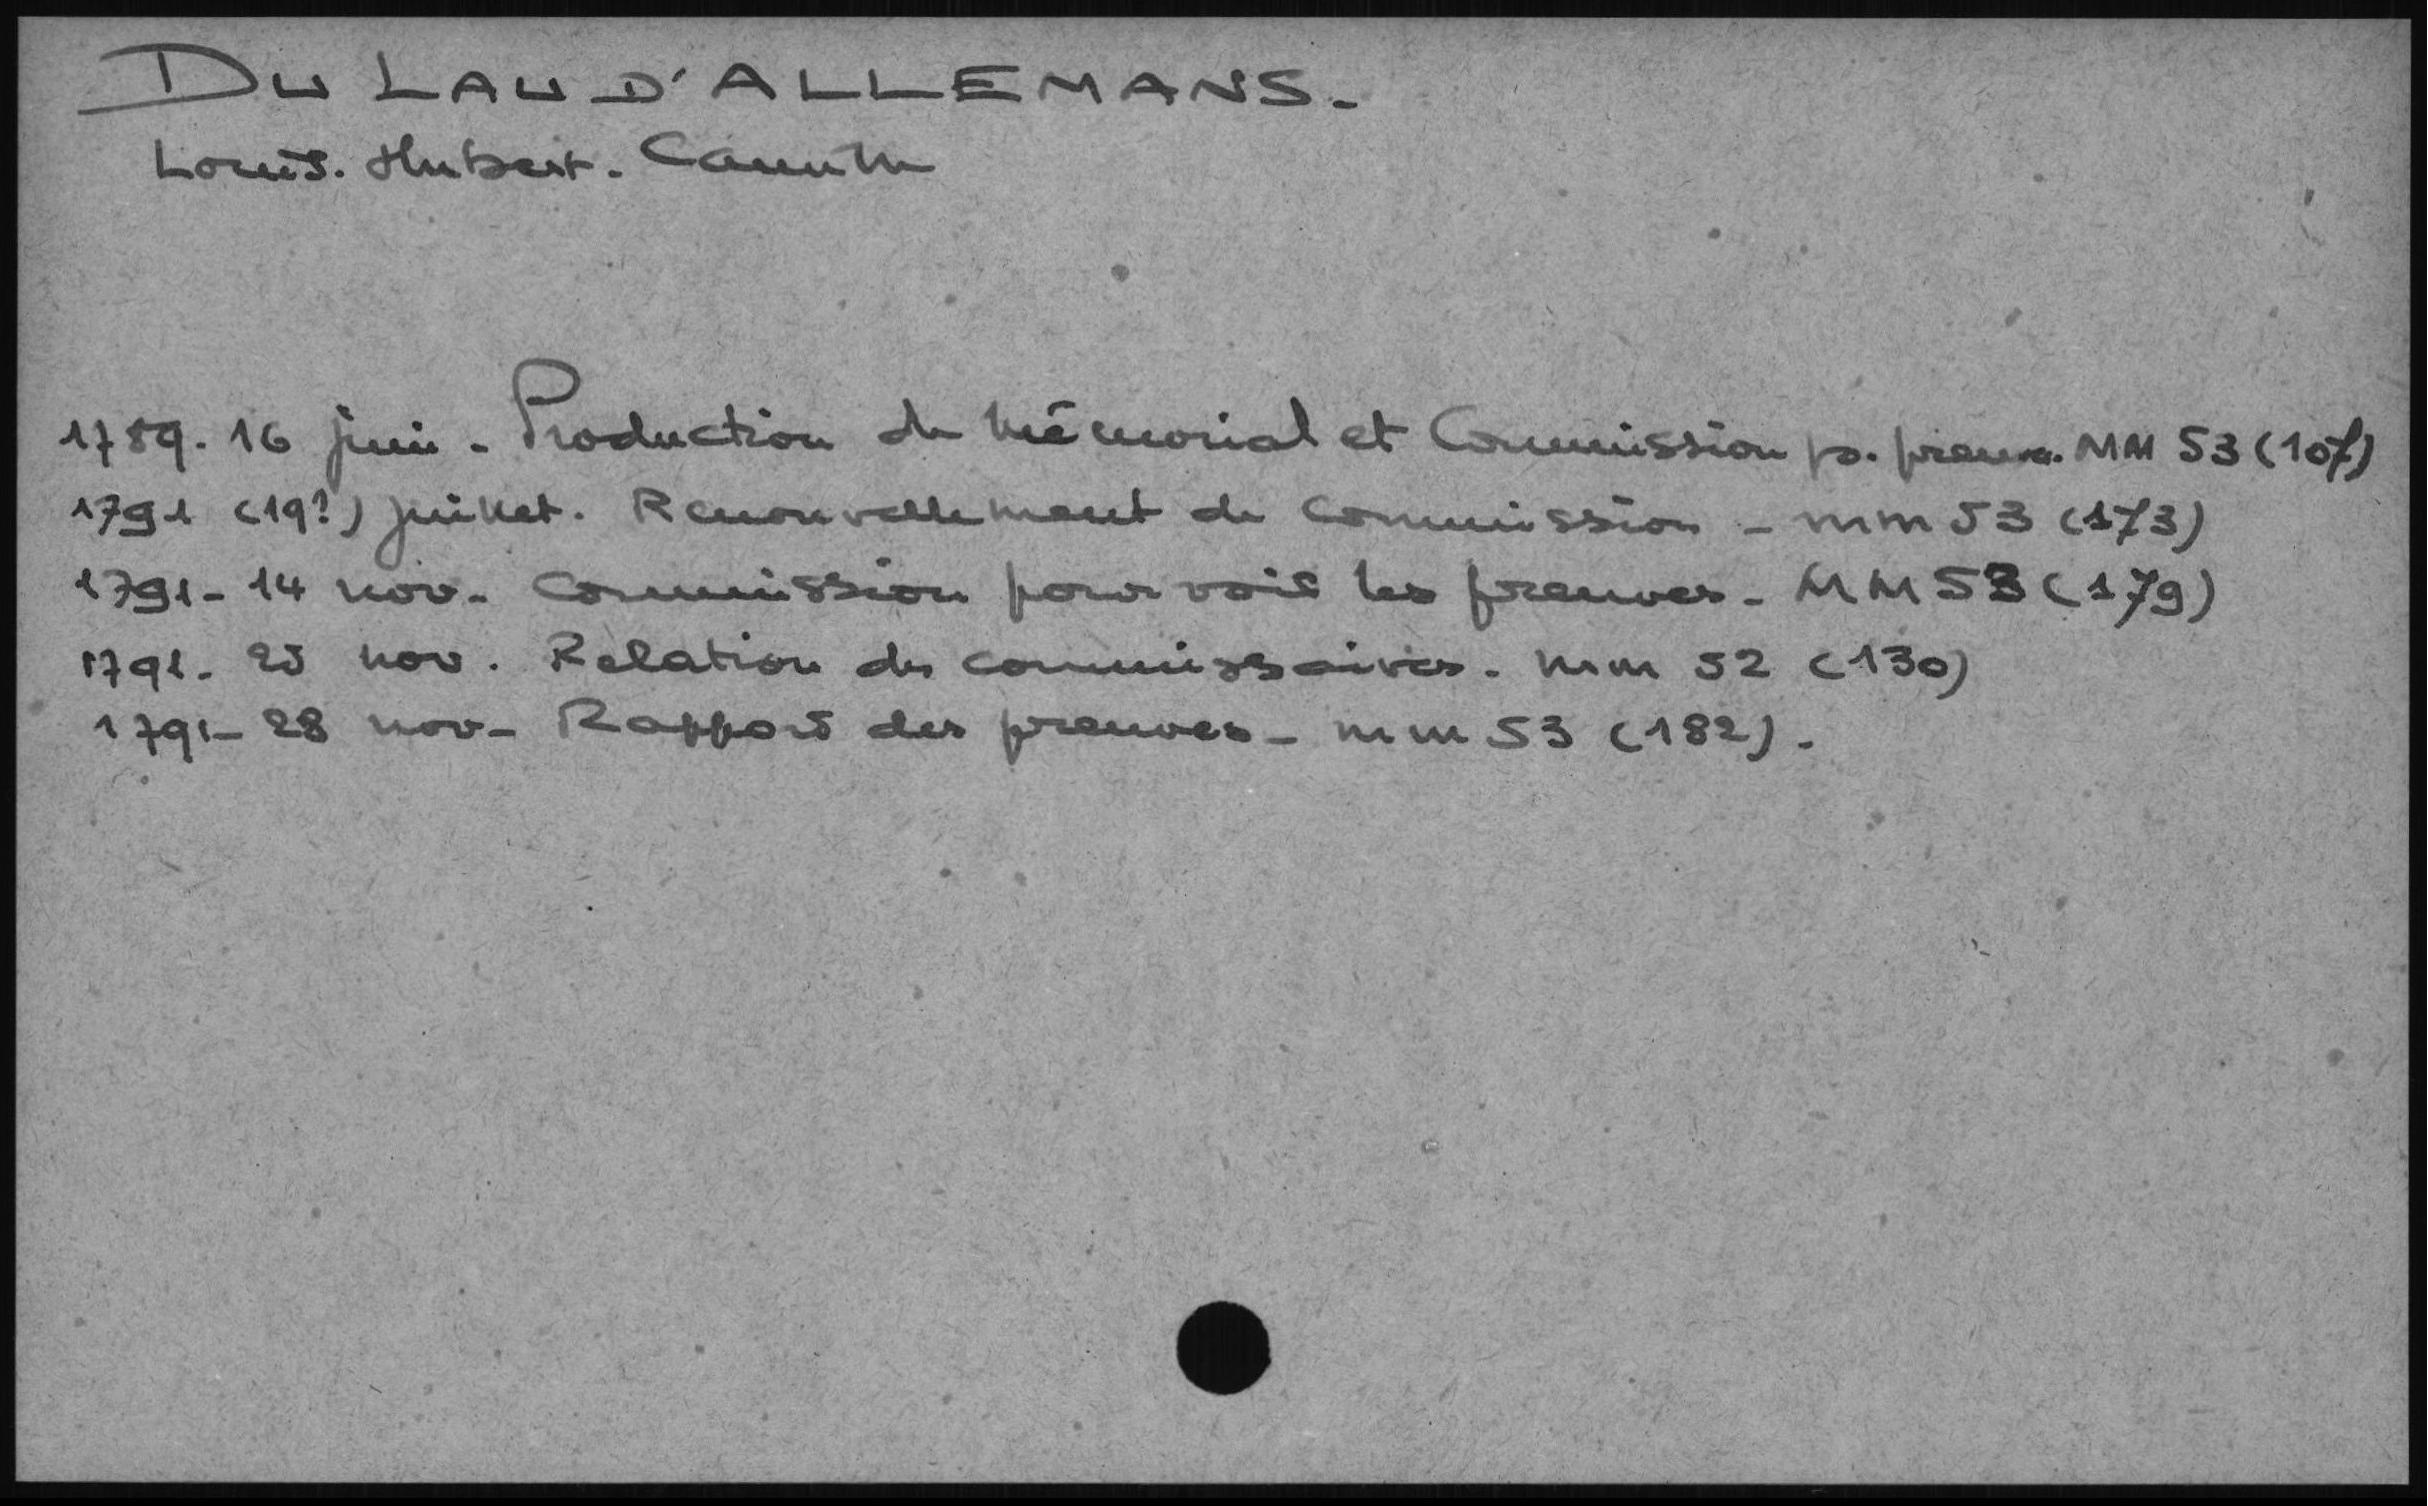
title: DU LAU D'ALLEMANS, Louis-Hubert-Camille
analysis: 1789, 16 juin. Production de mémorial et commission pour preuves. MM 53 (107) 1791(19?) juillet. Renouvellement de commission. MM 53 (173) 1791, 25 novembre Relation des commissaires. MM 52 (130) 1791, 28 novembre Rapport des preuves. MM 53 (182)
